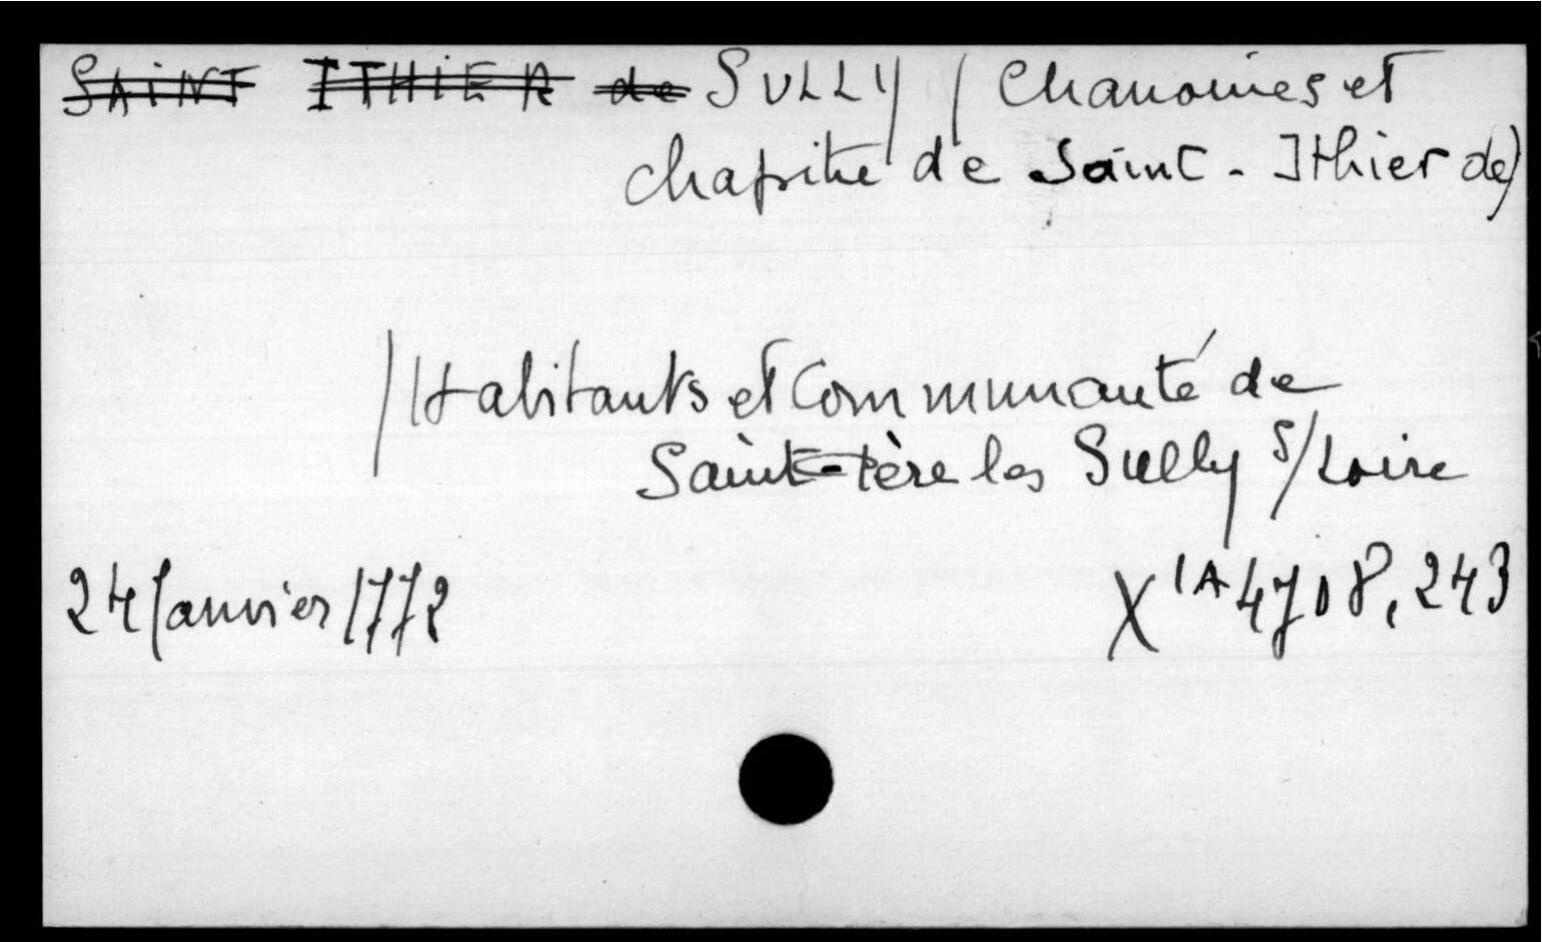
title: SULLY (Chanoines et chapitre de Saint-Ithier de)
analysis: Contre Habitants et Communauté de Saint-Père les Sully sur Loire
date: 24 janvier 1772
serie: A
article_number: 4708
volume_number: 243
